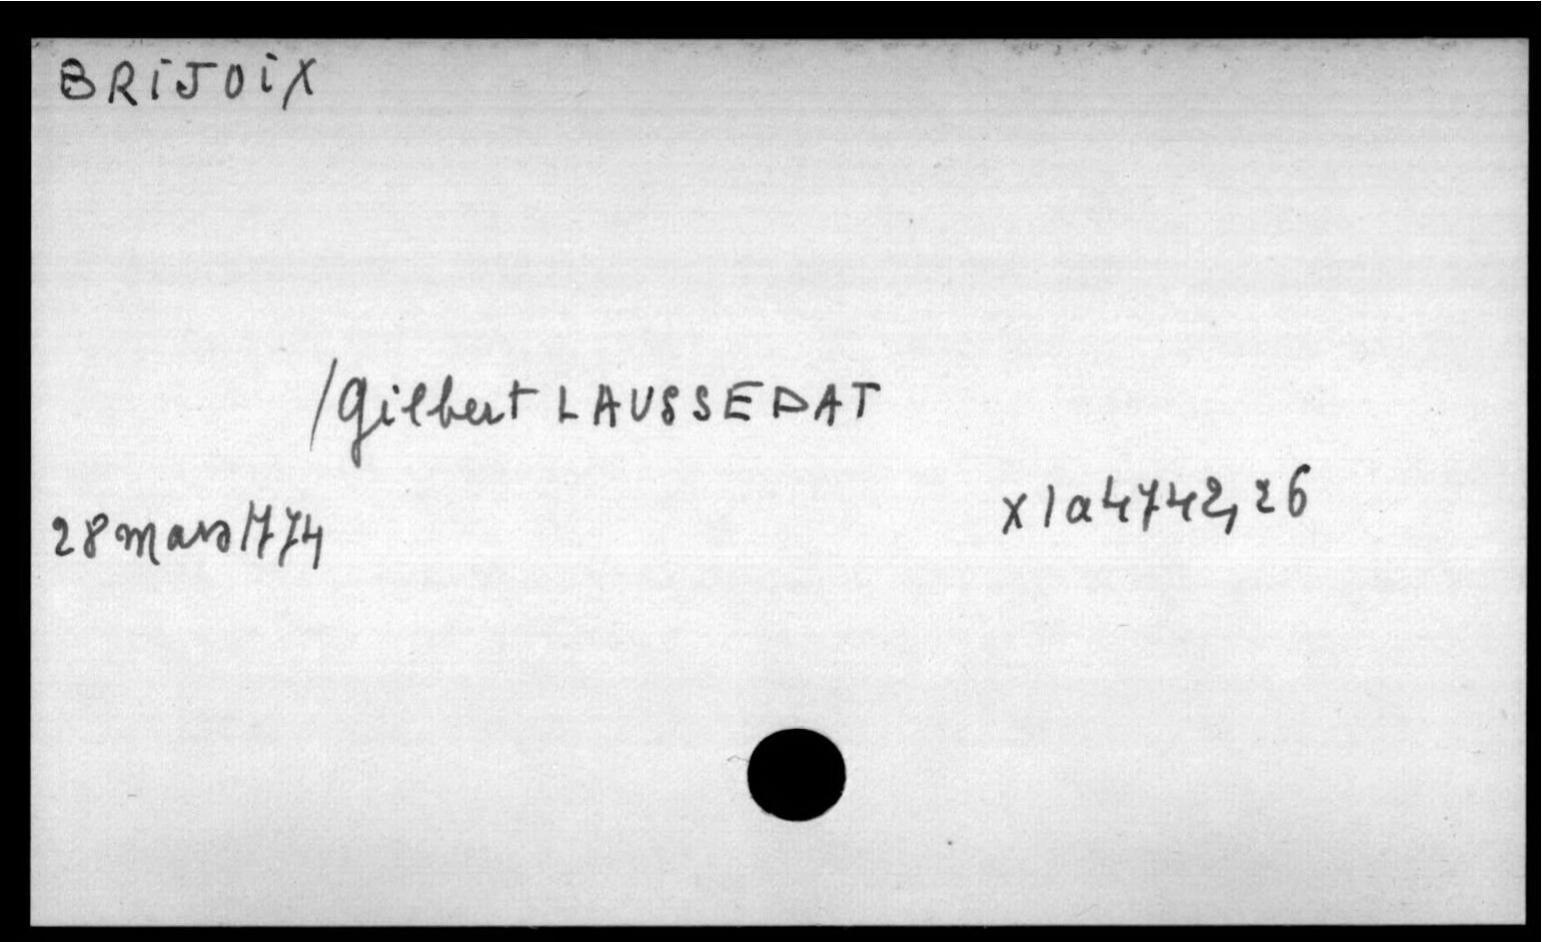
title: BRIJOIX
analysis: Contre Gilbert LAUSSEDAT
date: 28 mars 1774
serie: X1a
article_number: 4742
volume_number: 26
